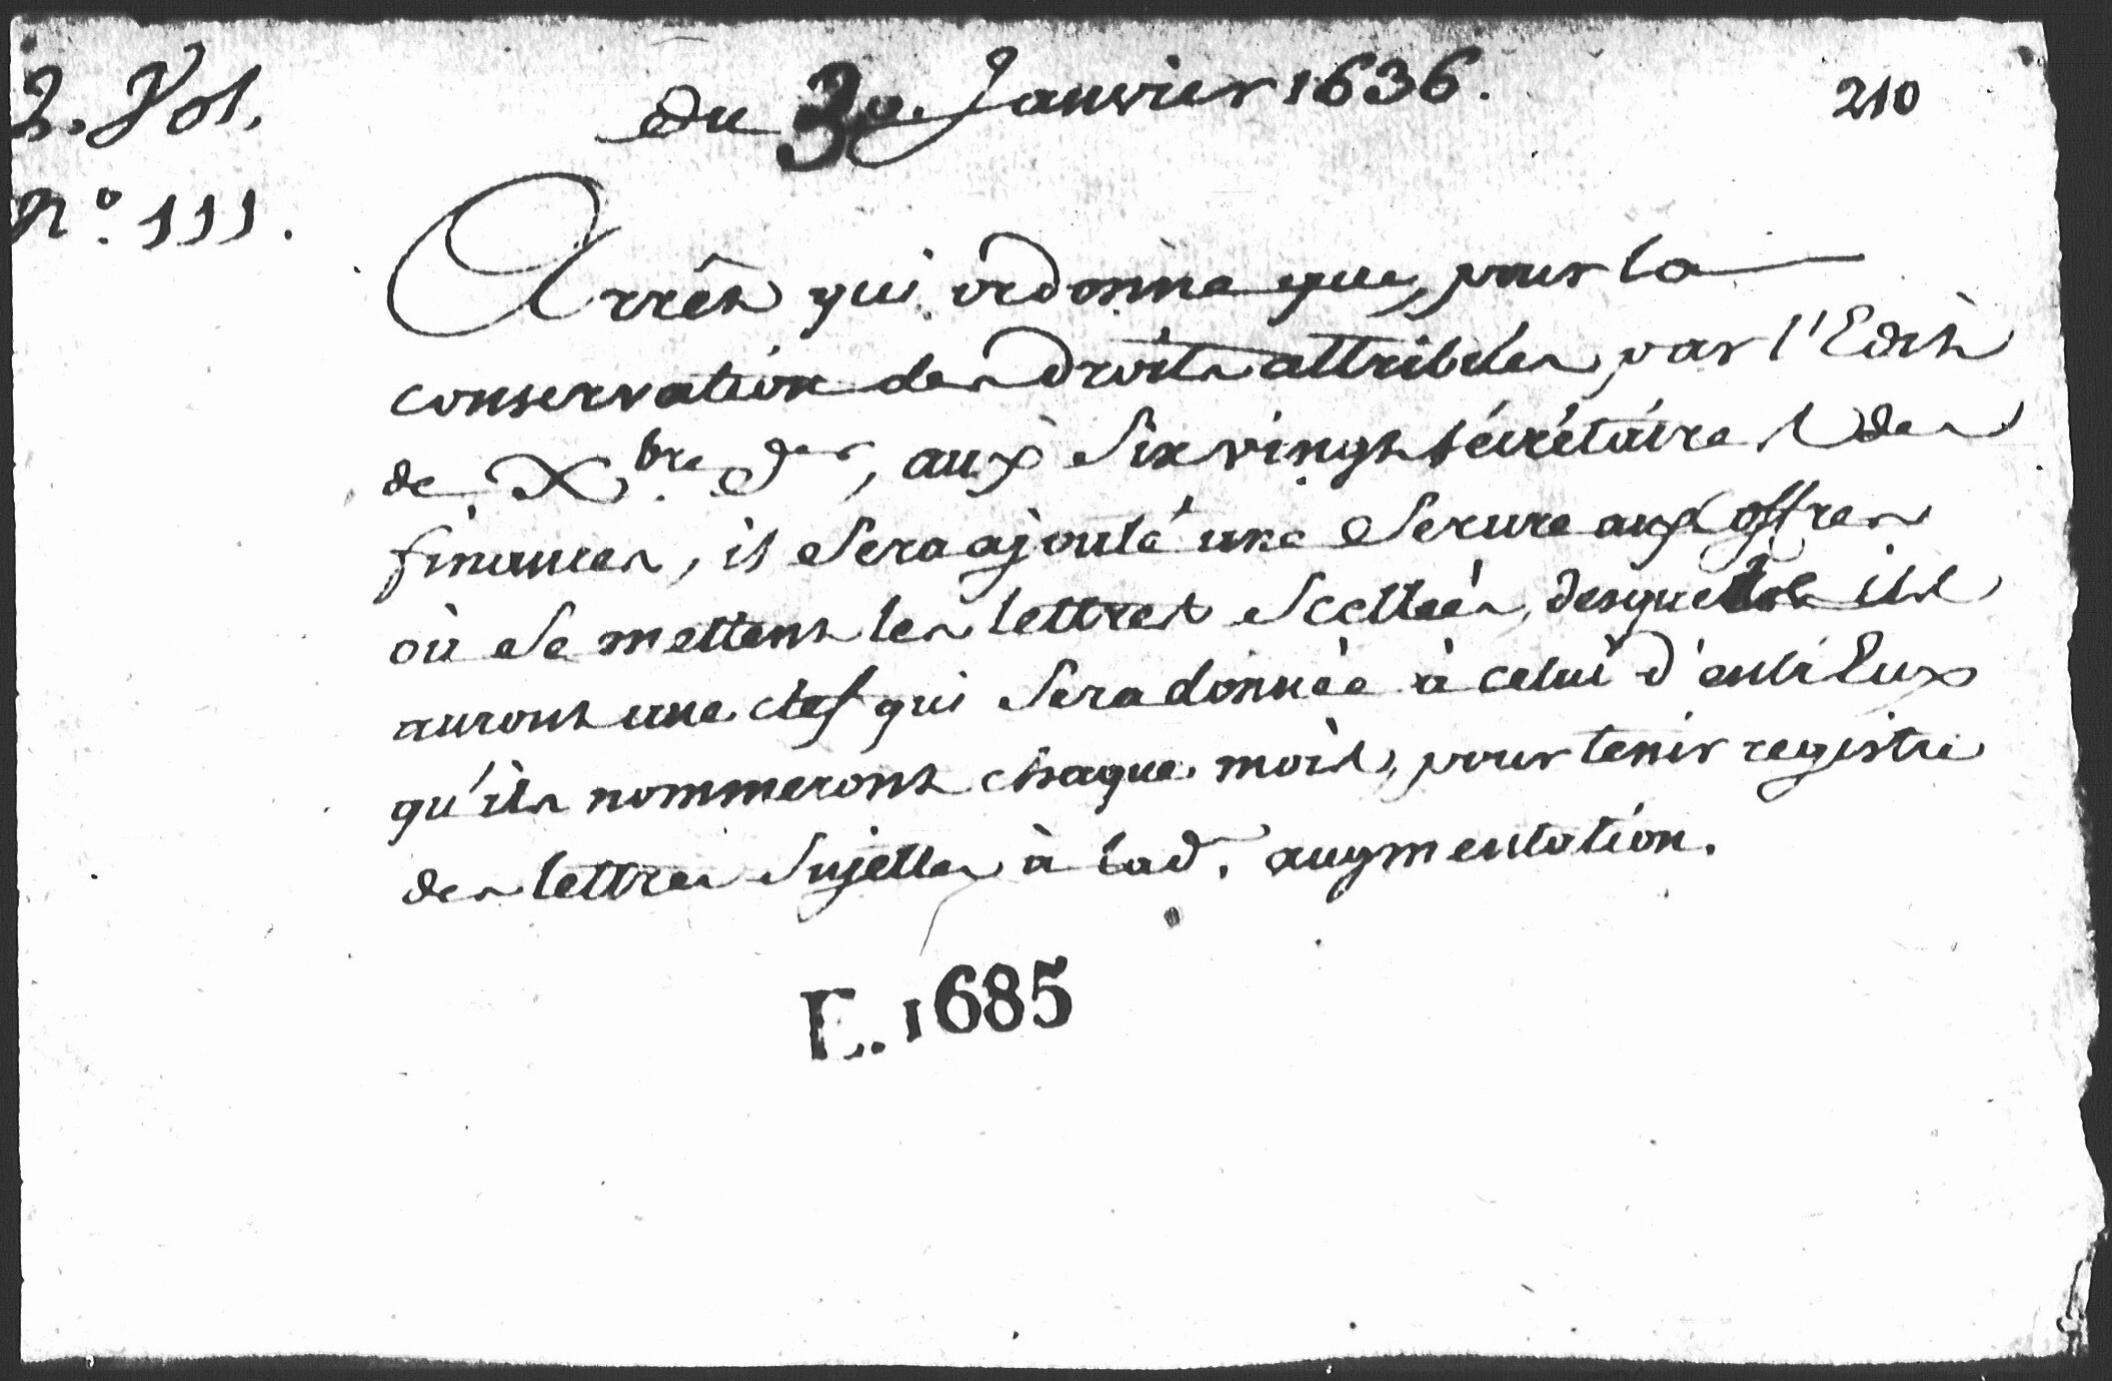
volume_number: n°111
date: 30 janvier 1636
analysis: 210
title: Arrêt qui ordonne que, pour la conservation des droits attribués par l'Edit de X.bre d.er, aux six vingt sécrétaires des finances, il sera ajouté une serure aux coffres où se mettent les lettres scellées desquels ils auront une clef qui sera donnée à celui d'entr'eux qu'ils nommeront chaque mois pour tenir registre des lettres sujettes à lad. augmentation.
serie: E
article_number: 1685
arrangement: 2. vol.
